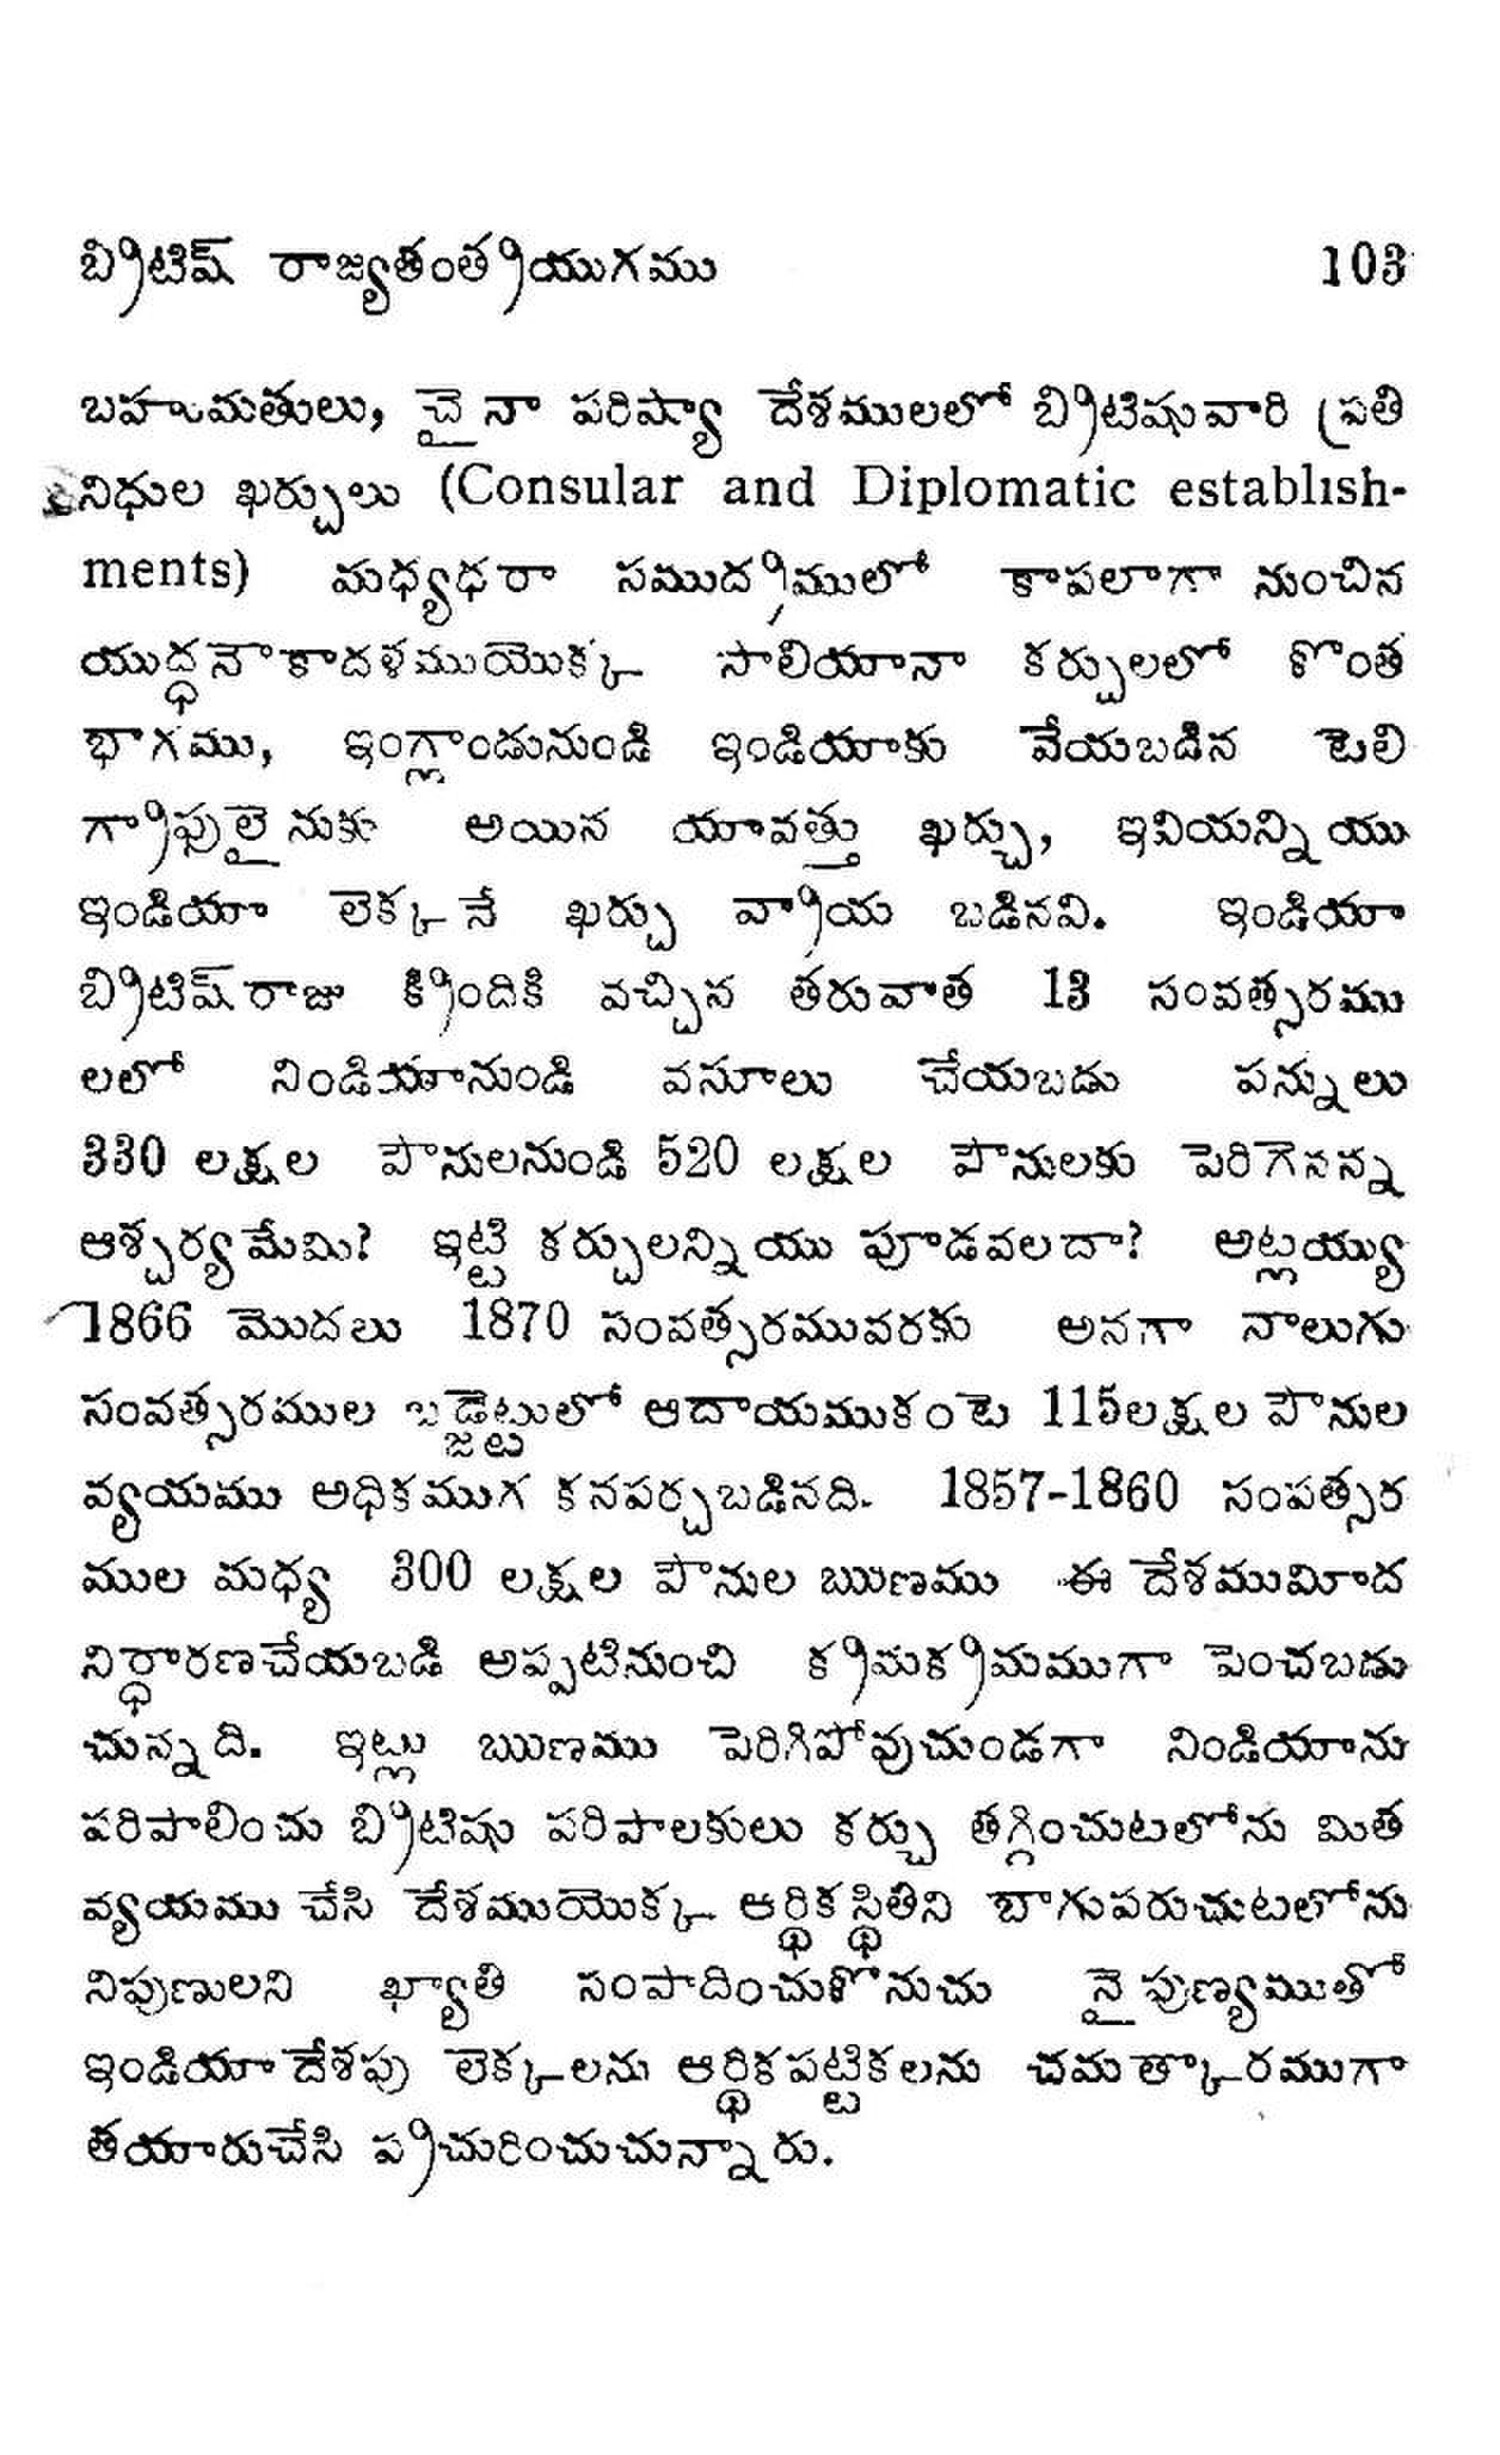బహుమతులు, చైనా పరిష్యా దేశములలో బ్రిటిషువారి ప్రతినిధుల ఖర్చులు (Consular and Diplomatic establishments) మధ్యధరా సముద్రములో కాపలాగా నుంచిన యుద్ధనౌకాదళముయొక్క సాలియానా కర్చులలో కొంతభాగము, ఇంగ్లాండునుండి ఇండియాకు వేయబడిన టెలిగ్రాపులైనుకు అయిన యావత్తు ఖర్చు, ఇవియన్నియు ఇండియా లెక్క నే ఖర్చు వ్రాయ బడినవి. ఇండియా బ్రిటిష్‌రాజు క్రిందికి వచ్చిన తరువాత 13 సంవత్సరములలో నిండియానుండి వసూలు చేయబడు పన్నులు 330 లక్షల పౌసులనుండి 520 లక్షల పౌనులకు పెరిగెనన్న ఆశ్చర్యమేమి? ఇట్టి కర్చులన్ని యు పూడవలదా! అట్లయ్యు 1866 మొదలు 1870 సంవత్సరమువరకు అనగా నాలుగు సంవత్సరముల బడ్జెట్టులో ఆదాయముకంటె 115 లక్షల పౌనుల వ్యయము అధికముగ కనపర్చబడినది. 1857-1860 సంవత్సరముల మధ్య 300 లక్షల పౌనుల ఋణము ఈ దేశముమీద నిర్ధారణచేయబడి అప్పటినుంచి క్రమక్రమముగా పెంచబడుచున్నది. ఇట్లు ఋణము పెరిగిపోవుచుండగా నిండియాను పరిపాలించు బ్రిటిషు పరిపాలకులు కర్చు తగ్గించుటలోను మితవ్యయము చేసి దేశముయొక్క ఆర్ధికస్థితిని బాగుపరుచుటలోను నిపుణులని ఖ్యాతి సంపాదించుకొనుచు నైపుణ్యముతో ఇండియాదేశపు లెక్కలను ఆర్థికపట్టికలను చమత్కారముగా తయారుచేసి ప్రచురించుచున్నారు.